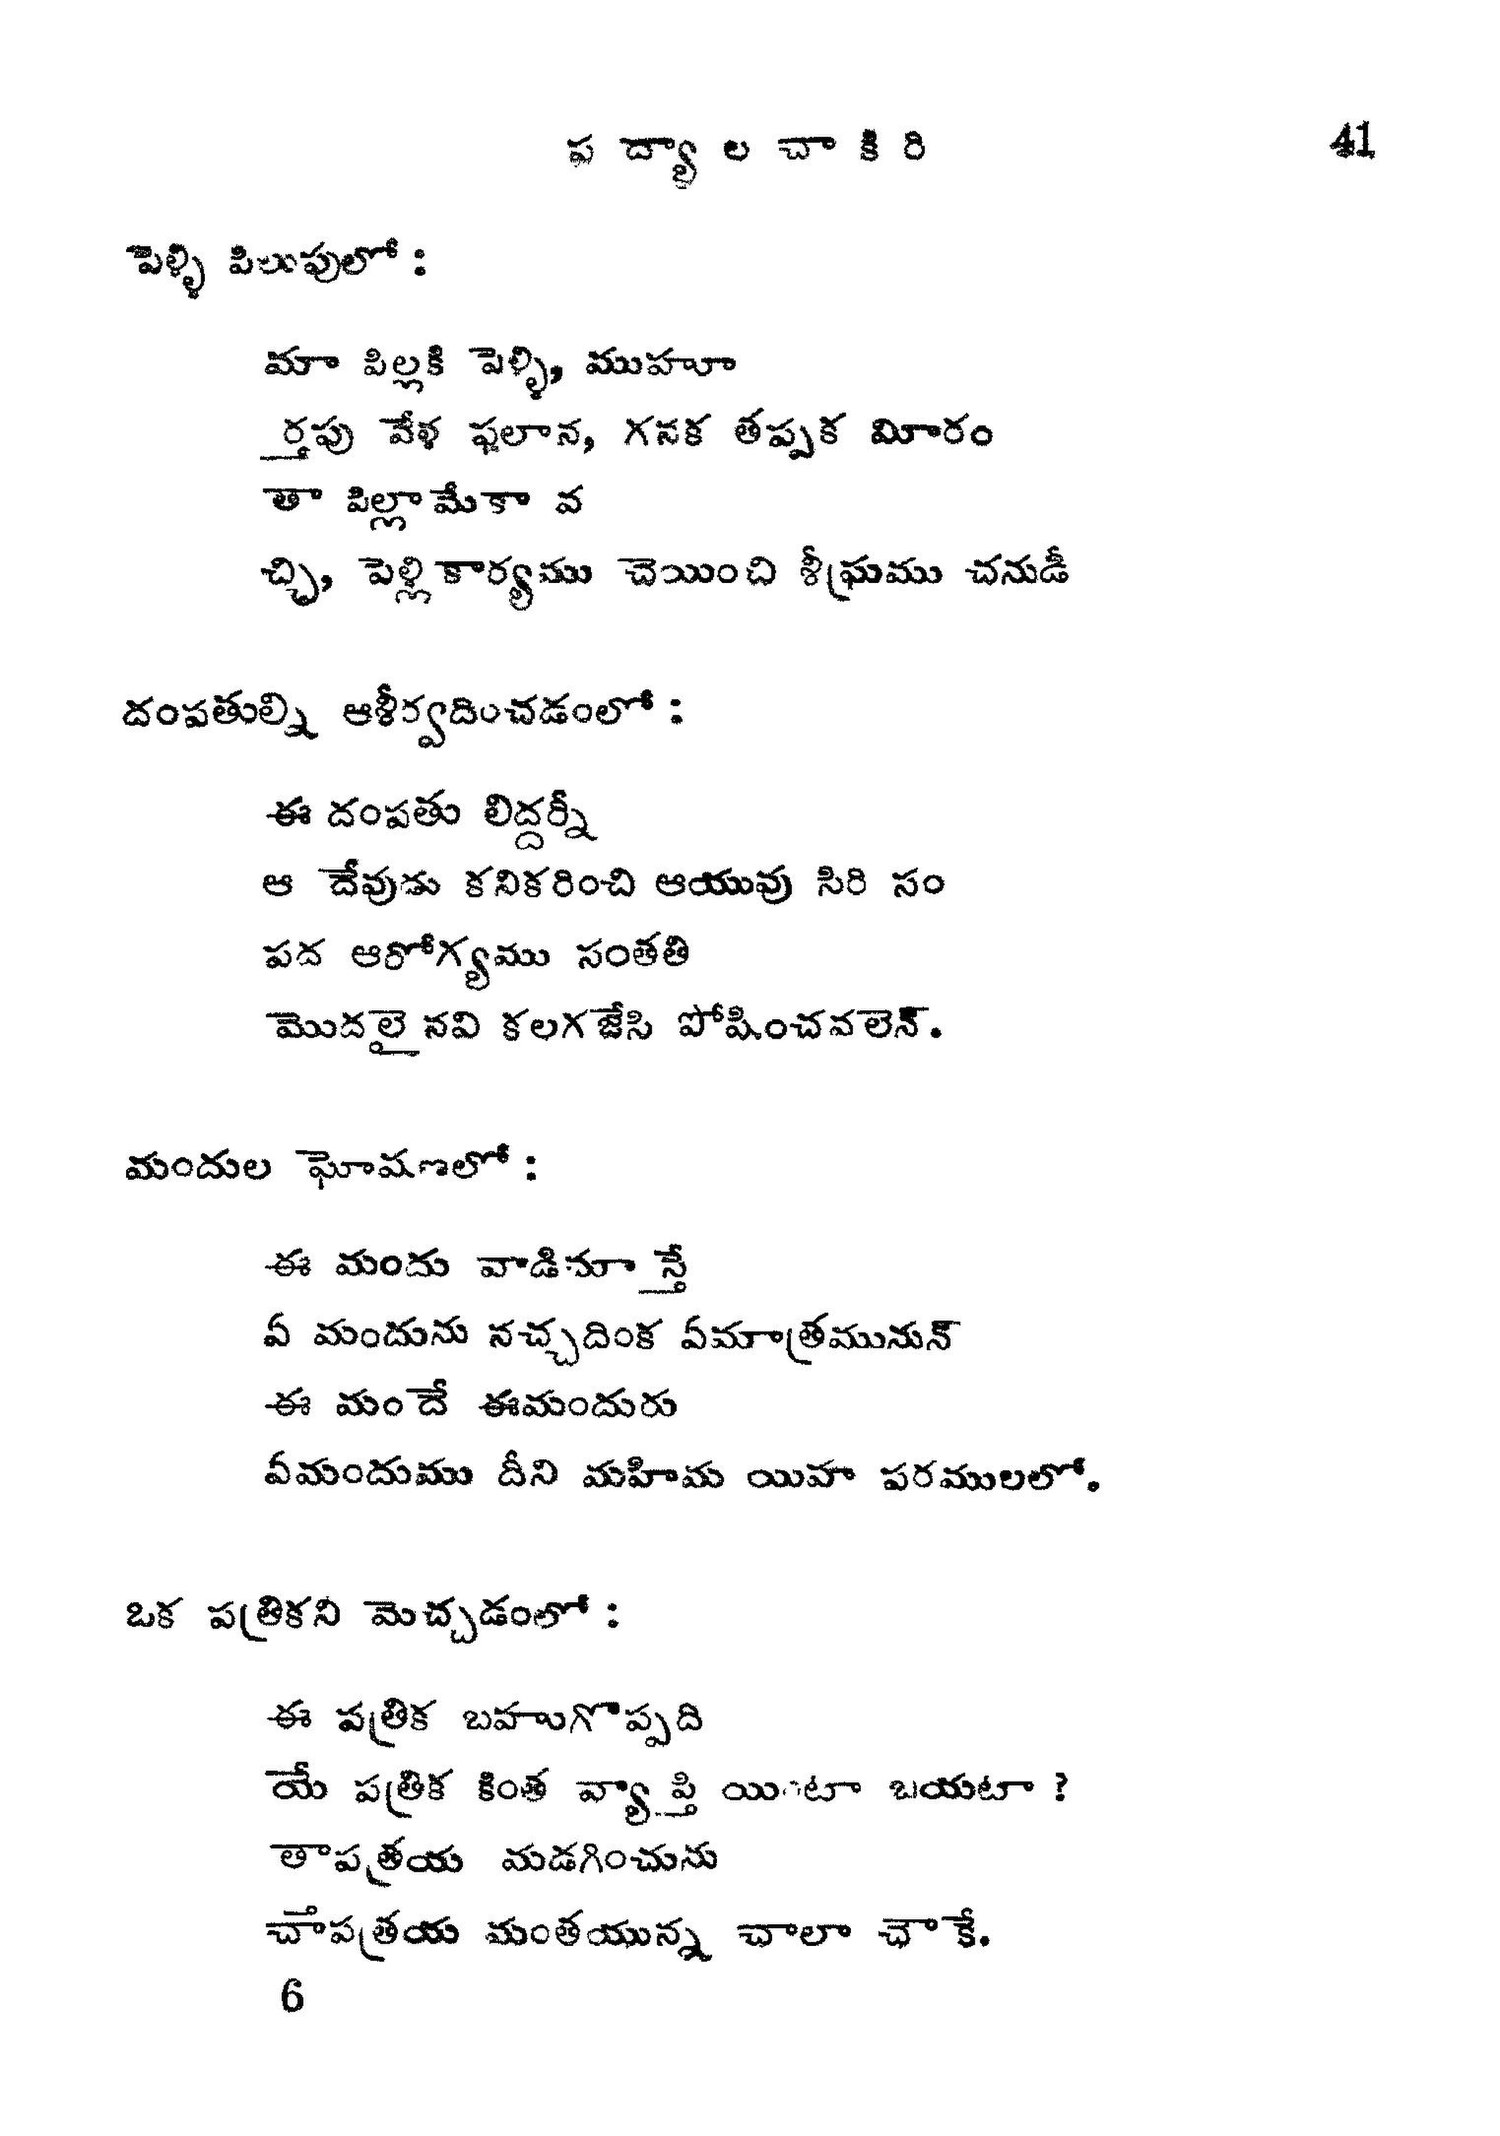పెళ్ళి పిలుపులో :

మా పిల్లకి పెళ్ళి, ముహూ
ర్తపు వేళ ఫలాన, గనక తప్పక మీరం
తా పిల్లామేకా వ
చ్చి, పెళ్లి కార్యము చెయించి శీఘ్రము చనుడీ

దంపతుల్ని ఆశీర్వదించడంలో :

ఈ దంపతు లిద్దర్నీ
ఆ దేవుడు కనికరించి ఆయువు సిరి సం
పద ఆరోగ్యము సంతతి
మొదలైనవి కలగజేసి పోషించవలెన్.

మందుల ఘోషణలో :

ఈ మందు వాడిచూస్తే
ఏ మందును నచ్చదింక ఏమాత్రమునున్
ఈ మందే ఈమందురు
ఏమందుము దీని మహిమ యిహ పరములలో.

ఒక పత్రికని మెచ్చడంలో:

ఈ పత్రిక బహుగొప్పది
యే పత్రిక కింత వ్యాప్తి యింటా బయటా ?
తాపత్రయ మడగించును
చాపత్రయ మంతయున్న చాలా చౌకే.